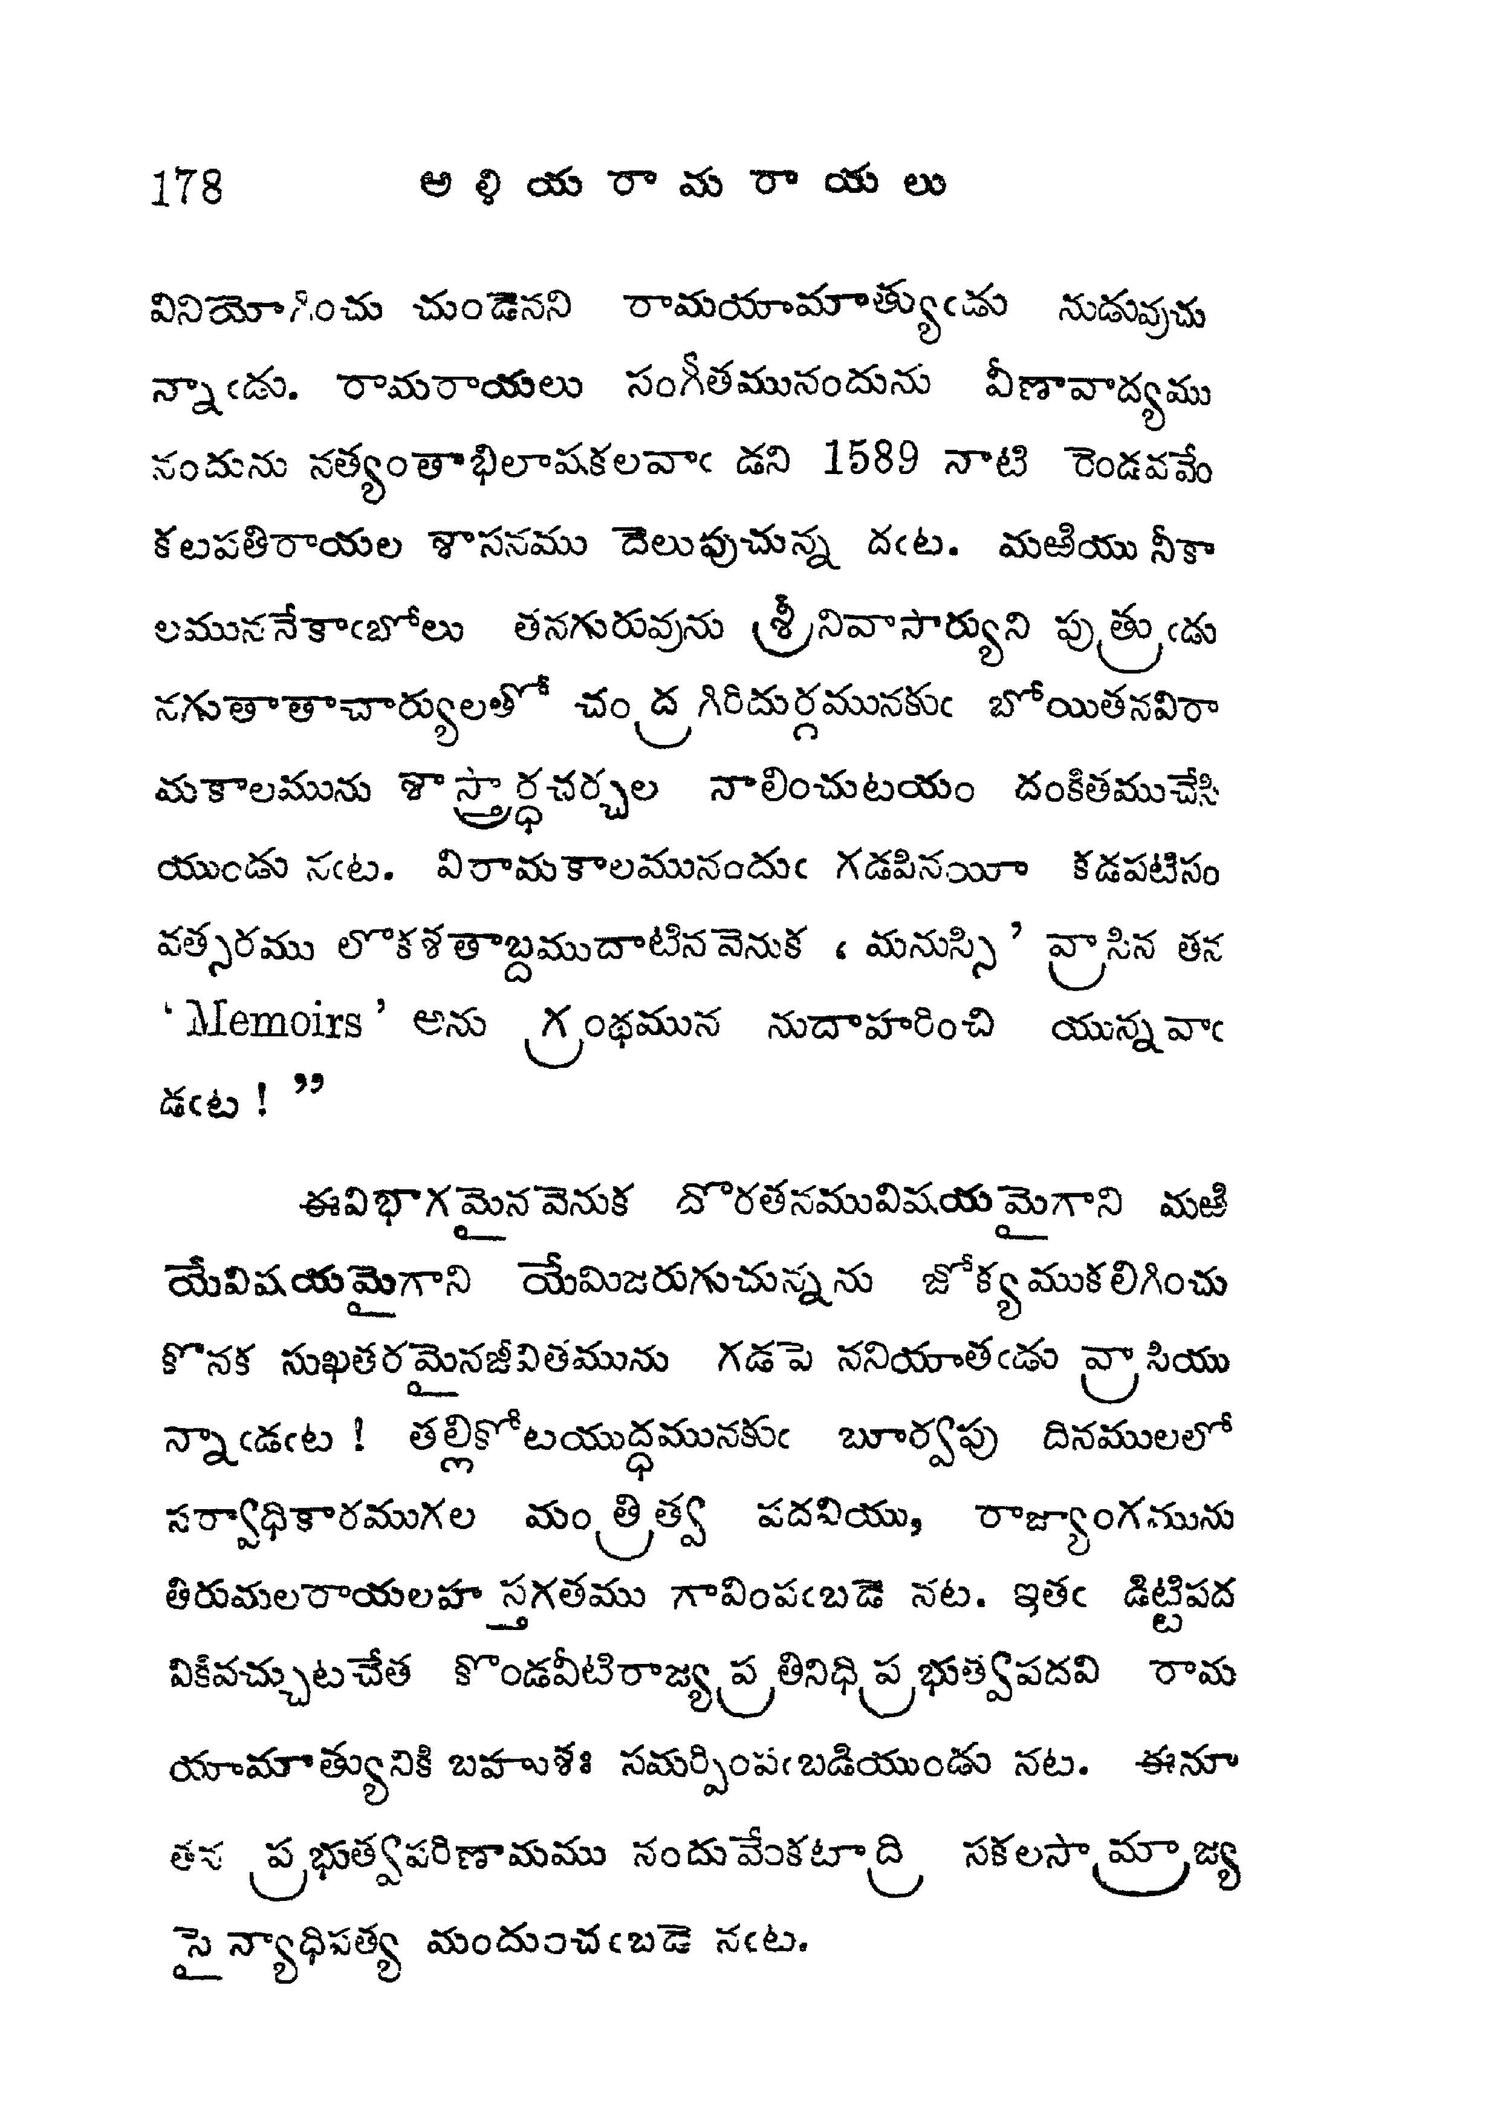వినియోగించు చుండెనని రామయామాత్యుడు నుడువుచున్నాడు. రామరాయలు సంగీతమునందును వీణావాద్యమునందును నత్యంతాభిలాషకలవా డని 1589 నాటి రెండవవేంకటపతిరాయల శాసనము దెలుపుచున్న దట. మఱియు నీకాలముననేకాబోలు తనగురువును శ్రీనివాసార్యుని పుత్రుడునగు తాతాచార్యులతో చంద్రగిరిదుర్గమునకు బోయితనవిరామకాలమును శాస్త్రార్ధచర్చల నాలించుటయం దంకితముచేసి యుండు నట. విరామకాలమునందు గడపినయీ కడపటిసంవత్సరము లొక శతాబ్దముదాటినవెనుక 'మనుస్సి' వ్రాసిన తన 'Memoirs' అను గ్రంథమున నుదాహరించి యున్నవాడట !"

ఈవిభాగమైనవెనుక దొరతనమువిషయమైగాని మఱియేవిషయమైగాని యేమిజరుగుచున్నను జోక్యముకలిగించు కొనక సుఖతరమైనజీవితమును గడపె ననియాతడు వ్రాసియున్నాడట ! తల్లికోటయుద్ధమునకు బూర్వపు దినములలో సర్వాధికారముగల మంత్రిత్వ పదవియు, రాజ్యాంగమును తిరుమలరాయల హస్తగతము గావింపబడె నట. ఇత డిట్టిపదవికివచ్చుటచేత కొండవీటిరాజ్య ప్రతినిధిప్రభుత్వపదవి రామయామాత్యునికి బహుశ: సమర్పింపబడియుండు నట. ఈనూతన ప్రభుత్వపరిణామము నందువేంకటాద్రి సకలసామ్రాజ్య సైన్యాధిపత్య మందుంచబడె నట.